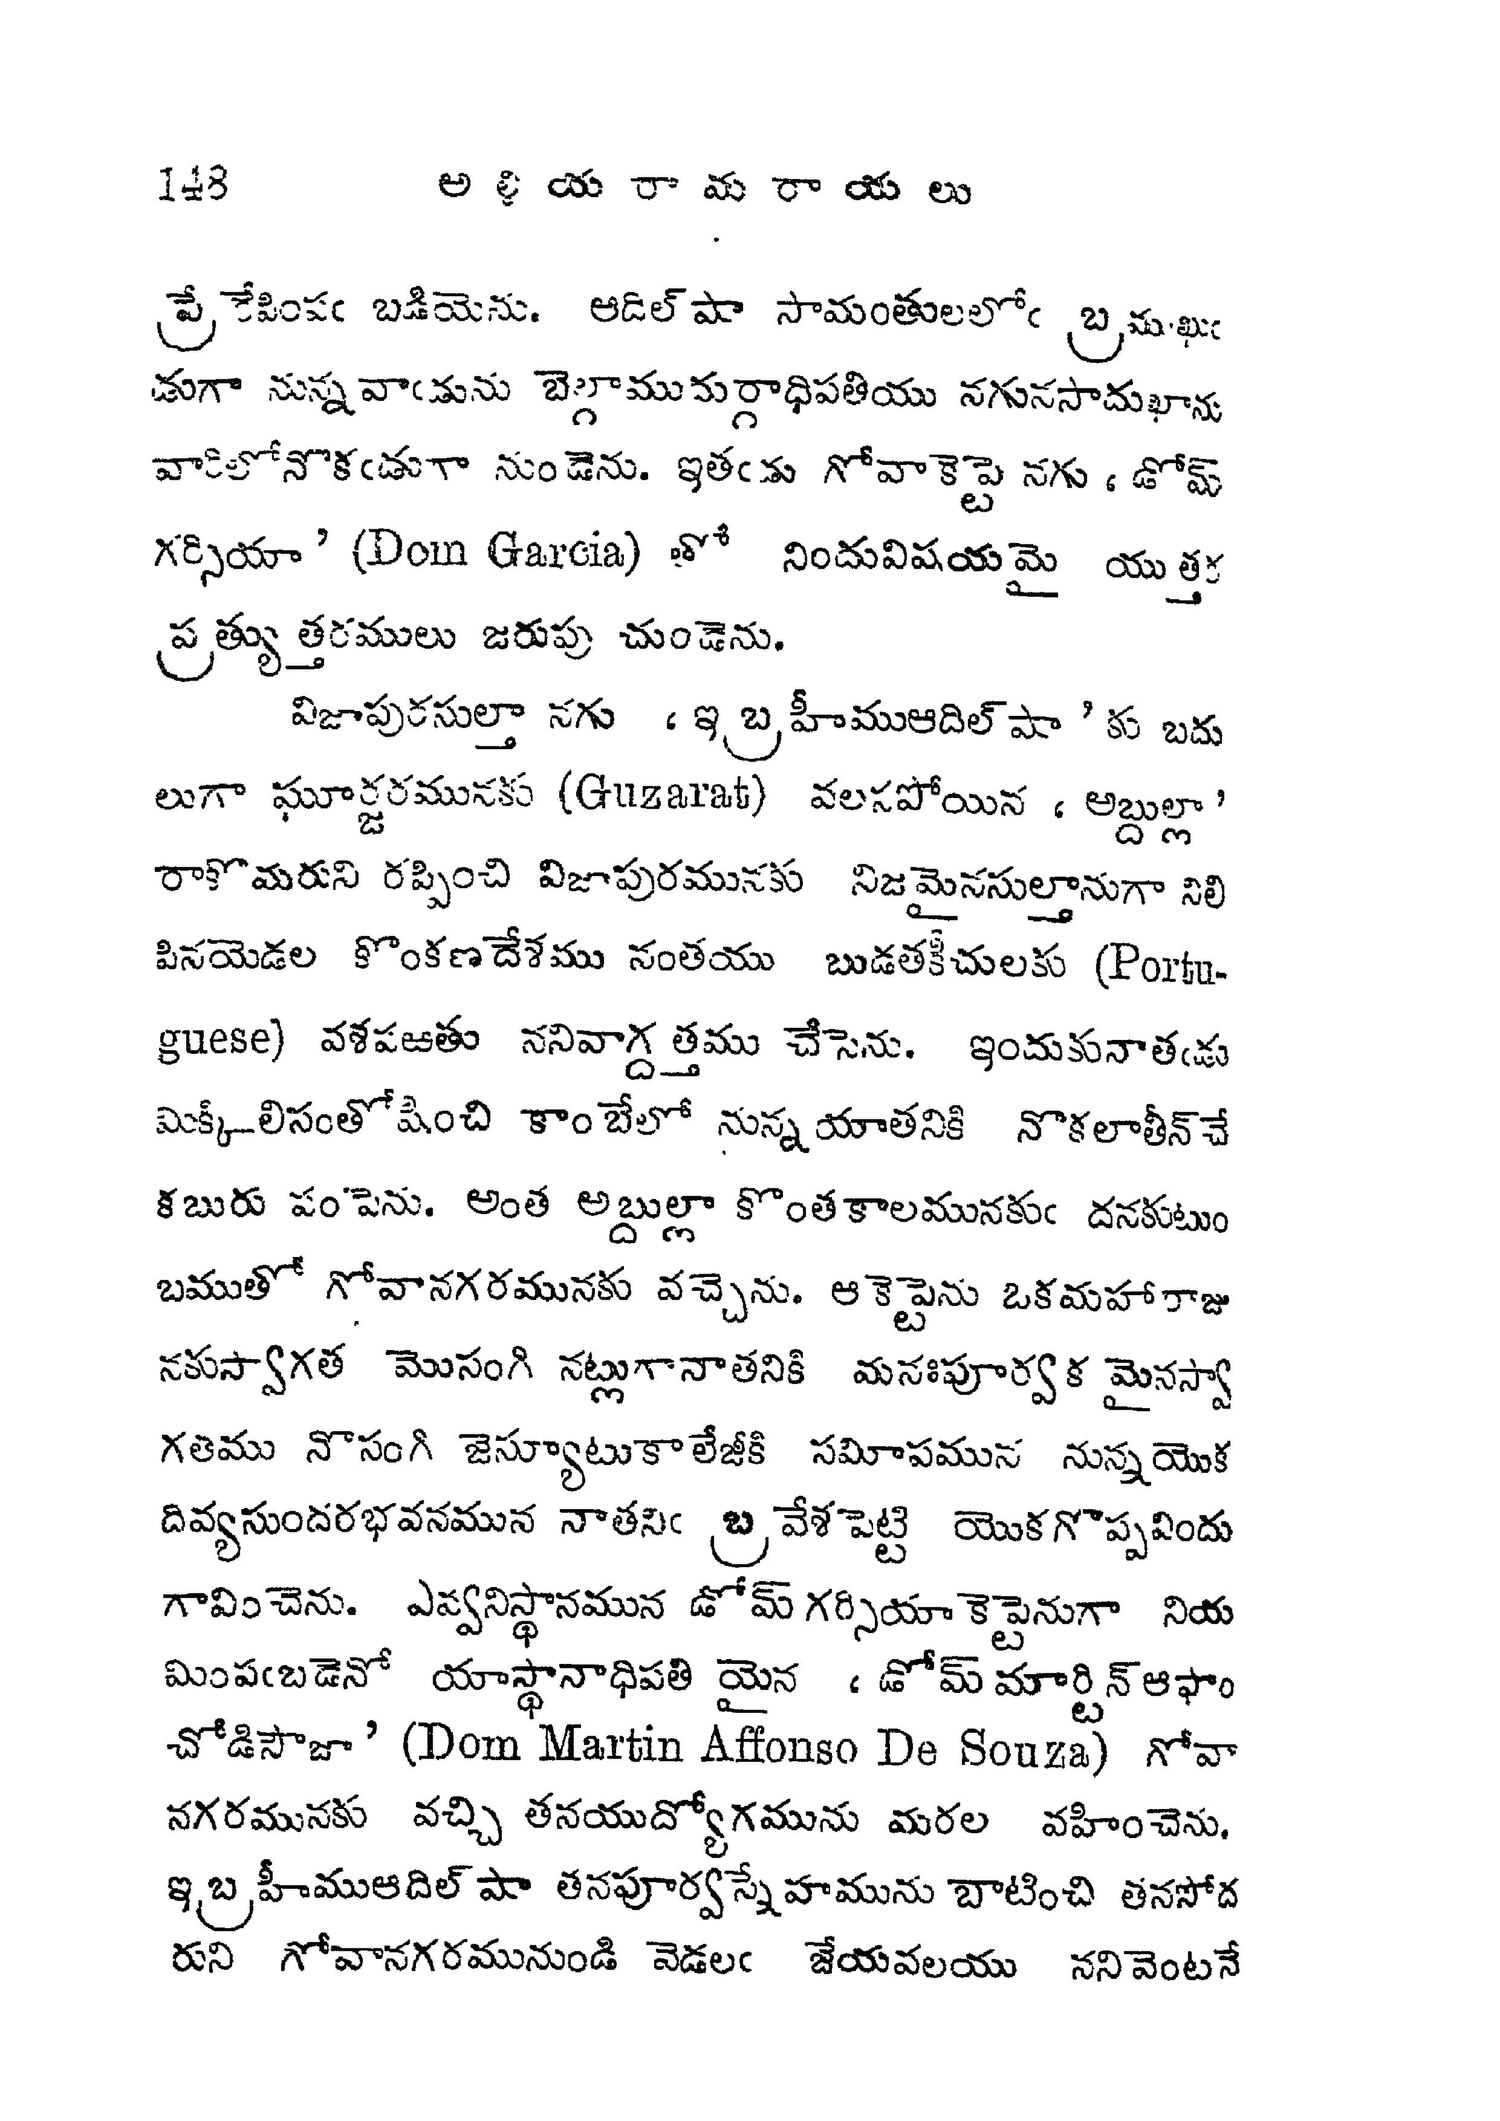ప్రేరేపింప బడియెను. ఆదిల్‌షా సామంతులలో బ్రముఖుడుగా నున్నవాడును బెల్గాముదుర్గాధిపతియు నగునసాదుఖాను వారిలోనొకడుగా నుండెను. ఇతడు గోవాకెప్టె నగు 'డోమ్ గర్సియా' (Dom Garcia) తో నిందువిషయమై యుత్తర ప్రత్యుత్తరములు జరుపు చుండెను.

విజాపురసుల్తానగు 'ఇబ్రహీముఆదిల్‌షా' కు బదులుగా ఘూర్జరమునకు (Guzarat) వలసపోయిన 'అబ్దుల్లా' రాకొమరుని రప్పించి విజాపురమునకు నిజమైనసుల్తానుగా నిలిపినయెడల కొంకణదేశము నంతయు బుడతకీచులకు (Portuguese) వశపఱతు ననివాగ్దత్తము చేసెను. ఇందుకునాతడు మిక్కిలిసంతోషించి కాంబేలో నున్నయాతనికి నొకలాతీన్‌చేకబురు పంపెను. అంత అబ్దుల్లా కొంతకాలమునకు దనకుటుంబముతో గోవానగరమునకు వచ్చెను. ఆకెప్టెను ఒకమహారాజునకుస్వాగత మొసంగి నట్లుగానాతనికి మన:పూర్వక మైనస్వాగతము నొసంగి జెన్యూటుకాలేజికి సమీపమున నున్నయొక దివ్యసుందరభవనమున నాతని బ్రవేశపెట్టి యొకగొప్పవిందు గావించెను. ఎవ్వనిస్థానమున డోమ్‌గర్సియా కెప్టెనుగా నియమింపబడెనో యాస్థానాధిపతి యైన 'డోమ్‌మార్టిన్‌ఆఫాంచోడిసౌజా' (Dom Martin Affonso De Souza) గోవానగరమునకు వచ్చి తనయుద్యోగమును మరల వహించెను. ఇబ్రహీముఆదిల్‌షా తనపూర్వస్నేహమును బాటించి తనసోదరుని గోవానగరమునుండి వెడల జేయవలయు ననివెంటనే